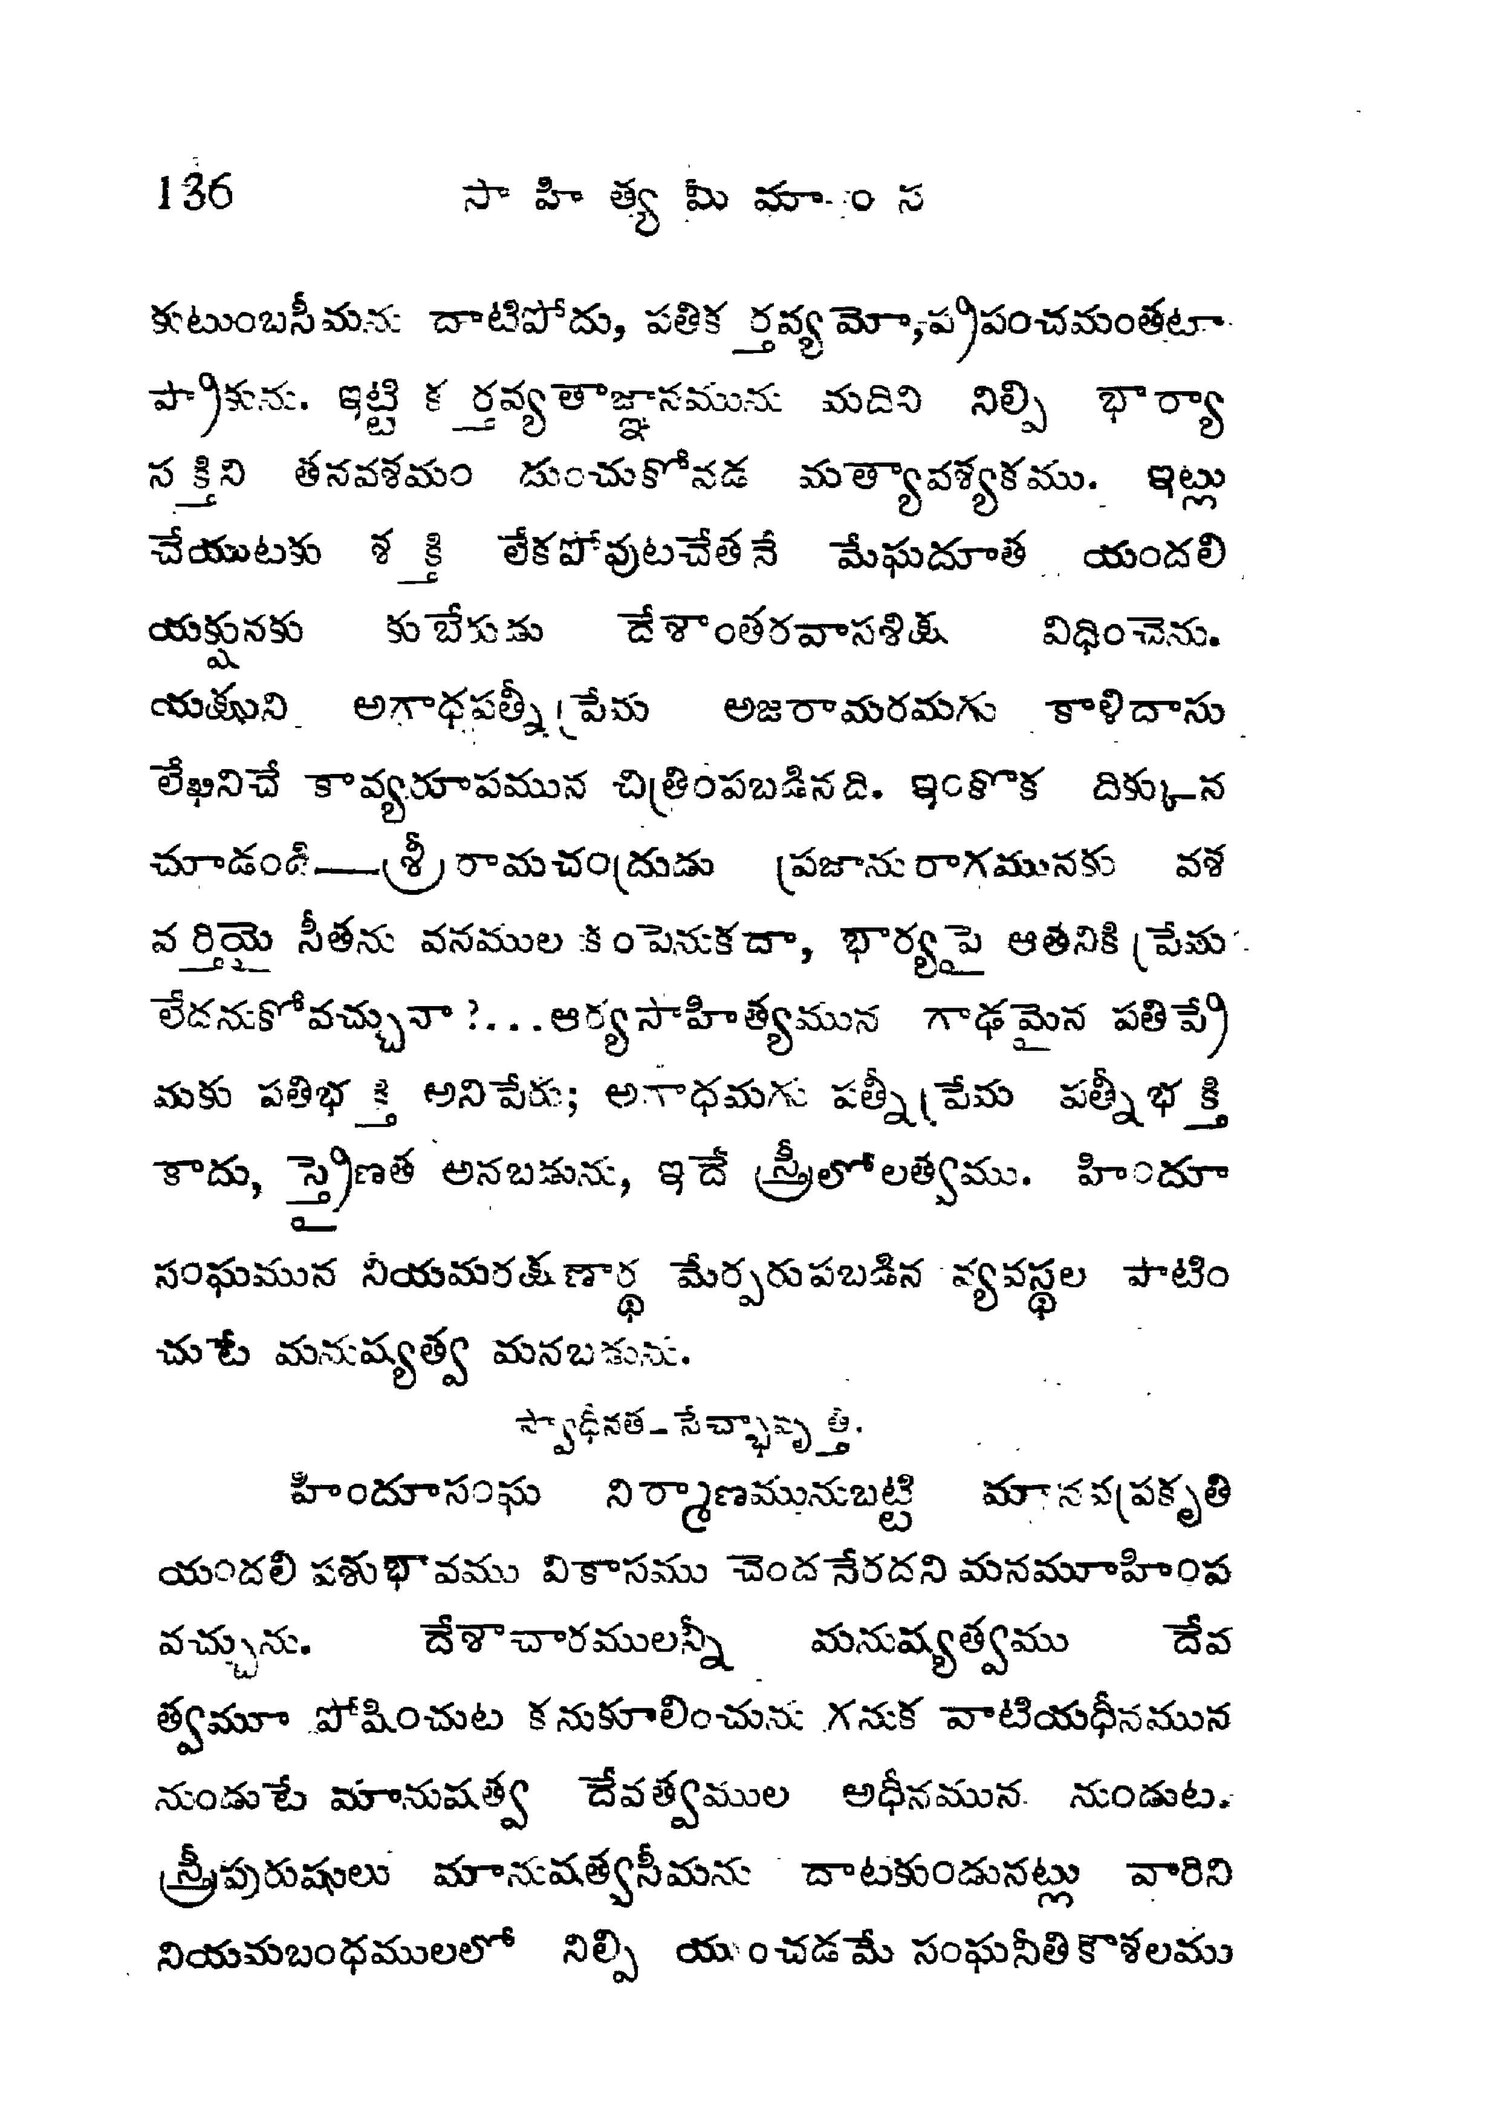కుటుంబసీమను దాటిపోదు, పతికర్తవ్యమో, ప్రపంచమంతటా ప్రాకును. ఇట్టి కర్తవ్యతాజ్ఞానమును మదిని నిల్పి భార్యాసక్తిని తనవశమం దుంచుకోవడ మత్యావశ్యకము. ఇట్లు చేయుటకు శక్తి లేకపోవుటచేతనే మేఘదూత యందలి యక్షునకు కుబేరుడు దేశాంతరవాసశిక్ష విధించెను. యక్షుని అగాధపత్నీప్రేమ అజరామరమగు కాళిదాసు లేఖినిచే కావ్యరూపమున చిత్రింపబడినది. ఇంకొక దిక్కున చూడండి - శ్రీరామచంద్రుడు ప్రజానురాగమునకు వశవర్తియై సీతను వనముల కంపెనుకదా, భార్యపై ఆతనికి ప్రేమ లేదనుకోవచ్చునా?... ఆర్యసాహిత్యమున గాఢమైన పతిప్రేమకు పతిభక్తి అనిపేరు; అగాధమగు పత్నీప్రేమ పత్నీభక్తి కాదు, స్త్రైణత అనబడును, ఇదే స్త్రీలోలత్వము. హిందూ సంఘమున నియమరక్షణార్థ మేర్పరుపబడిన వ్యవస్థల పాటించుటే మనుష్యత్వ మనబడును.

హిందూసంఘ నిర్మాణమునుబట్టి మానవప్రకృతి యందలి పశుభావము వికాసము చెందనేరదని మనమూహింప వచ్చును. దేశాచారములన్నీ మనుష్యత్వము దేవత్వమూ పోషించుట కనుకూలించును గనుక వాటియధీనమున నుండుటే మానుషత్వ దేవత్వముల అధీనమున నుండుట. స్త్రీపురుషులు మానుషత్వసీమను దాటకుండునట్లు వారిని నియమబంధములలో నిల్పి యుంచడమే సంఘనీతికౌశలము